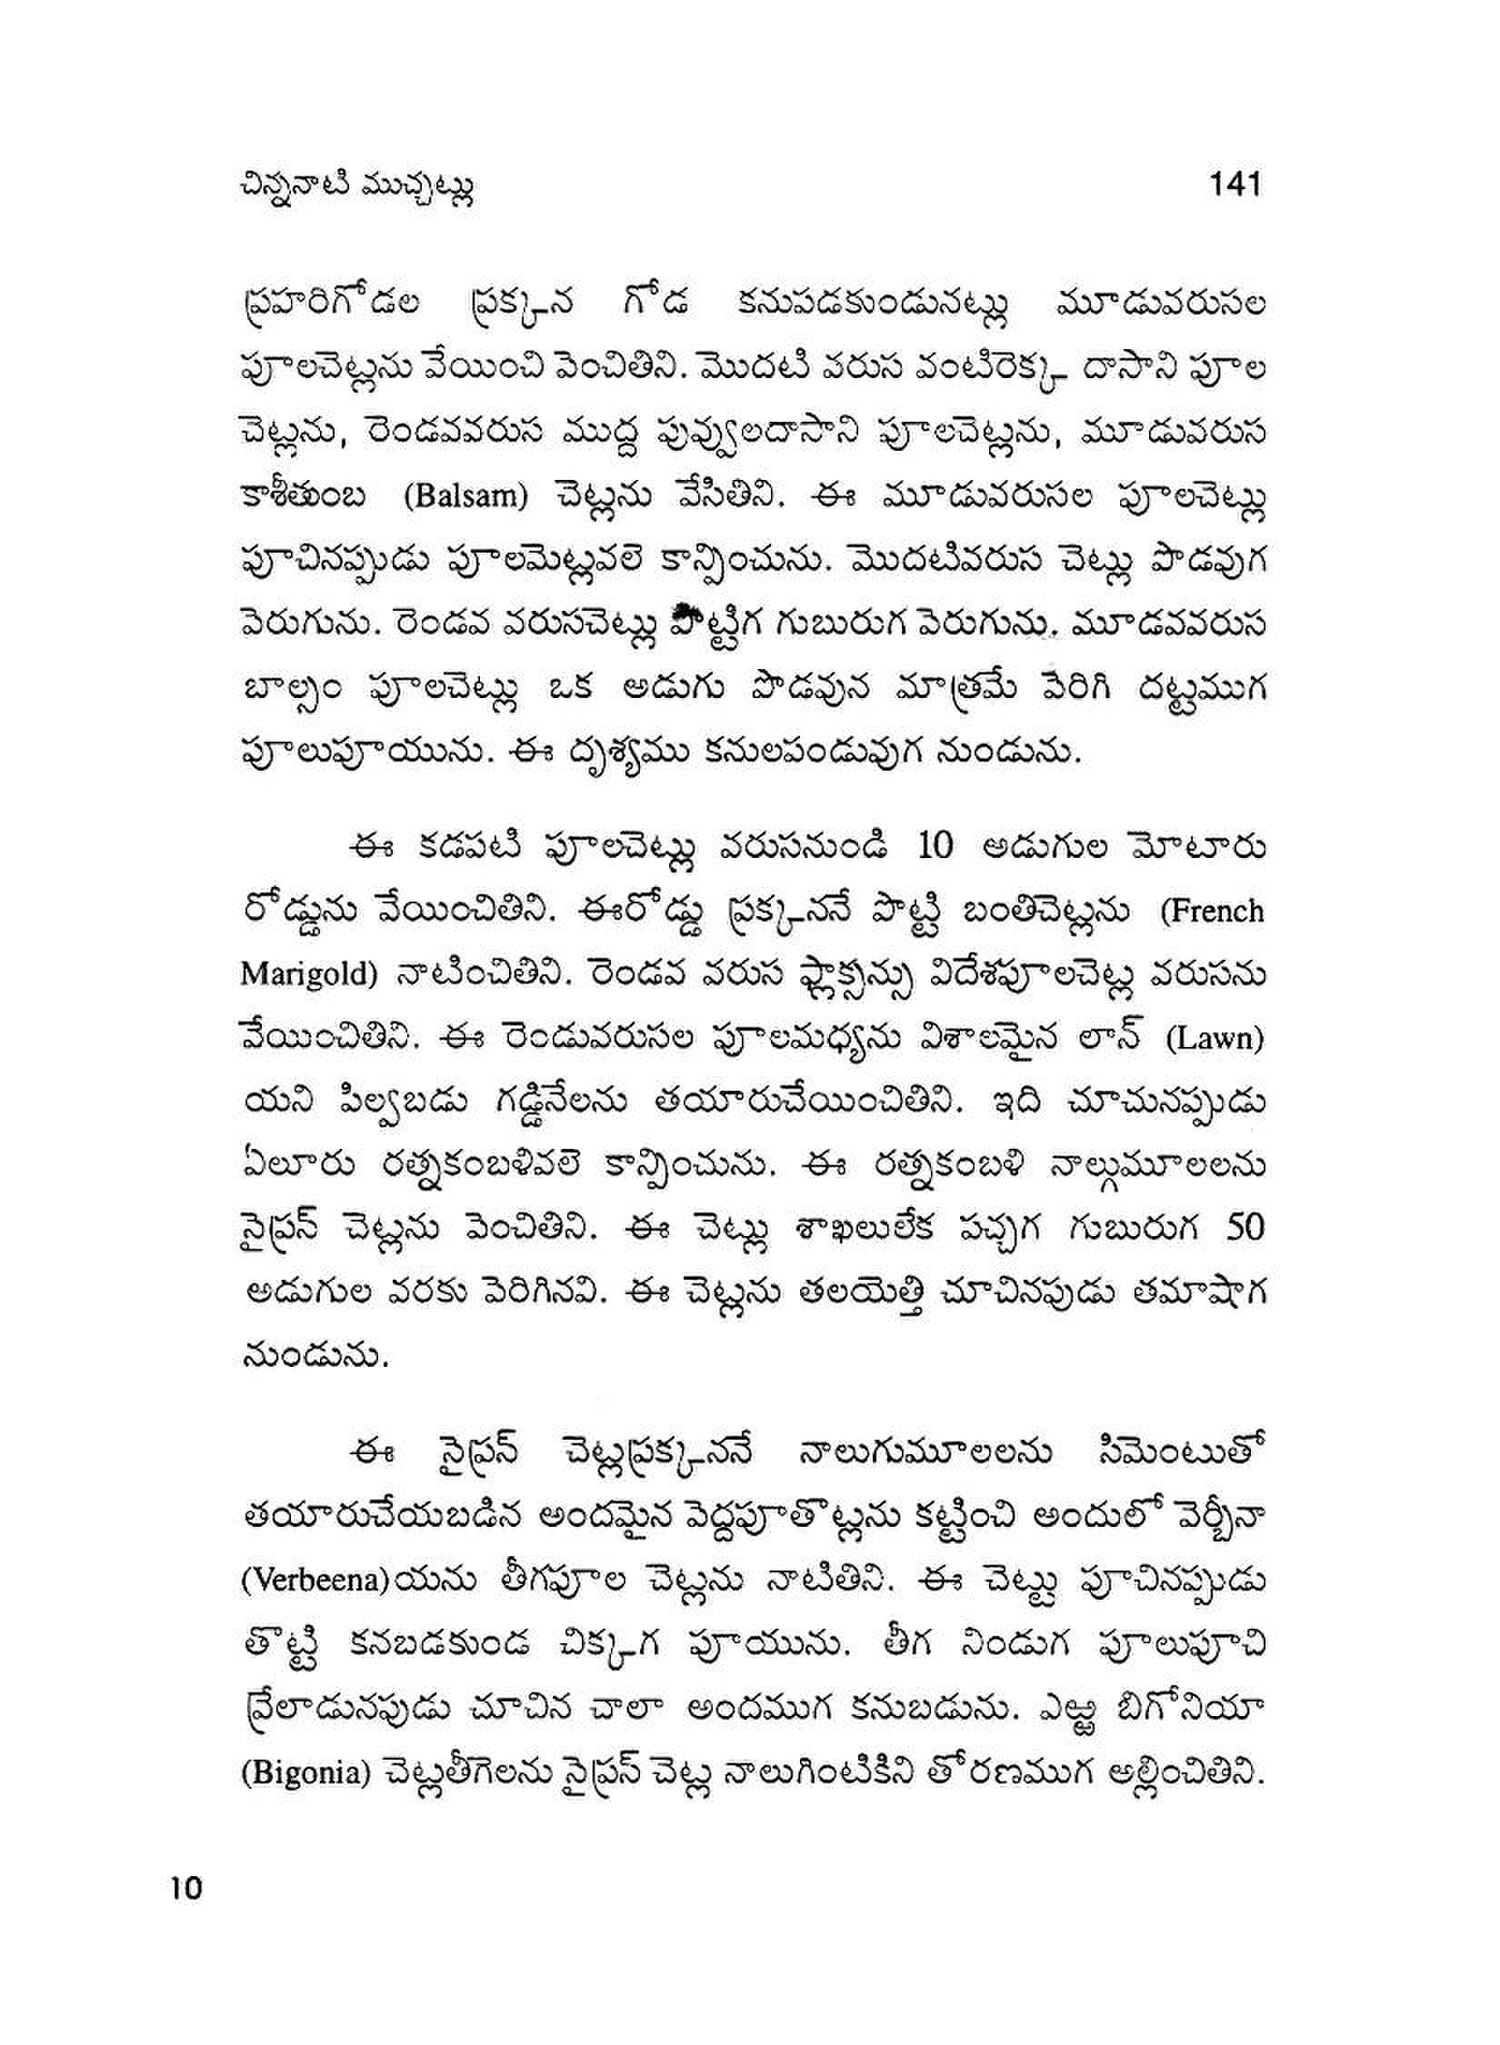ప్రహరిగోడల ప్రక్కన గోడ కనుపడకుండునట్లు మూడువరుసల పూలచెట్లను వేయించి పెంచితిని. మొదటి వరుస వంటిరెక్క దాసాని పూల చెట్లను, రెండవవరుస ముద్ద పువ్వులదాసాని పూలచెట్లను, మూడువరుస కాశీతుంబ (Balsam) చెట్లను వేసితిని. ఈ మూడువరుసల పూలచెట్లు పూచినప్పుడు పూలమెట్లవలె కాన్పించును. మొదటివరుస చెట్లు పొడవుగ పెరుగును. రెండవ వరుసచెట్లు పొట్టిగ గుబురుగపెరుగును. మూడవవరుస బాల్సం పూలచెట్లు ఒక అడుగు పొడవున మాత్రమే పెరిగి దట్టముగ పూలుపూయును. ఈ దృశ్యము కనులపండువుగ నుండును.

ఈ కడపటి పూలచెట్లు వరుసనుండి 10 అడుగుల మోటారు రోడ్డును వేయించితిని. ఈరోడ్డు ప్రక్కననే పొట్టి బంతిచెట్లను (French Marigold) నాటించితిని. రెండవ వరుస ప్లాక్సన్సు విదేశపూలచెట్ల వరుసను వేయించితిని. ఈ రెండువరుసల పూలమధ్యను విశాలమైన లాన్ (Lawn) యని పిల్వబడు గడ్డినేలను తయారుచేయించితిని. ఇది చూచునప్పుడు ఏలూరు రత్నకంబళివలె కాన్పించును. ఈ రత్నకంబళి నాలుమూలలను సైప్రస్ చెట్లను పెంచితిని. ఈ చెట్లు శాఖలులేక పచ్చగ గుబురుగ 50 అడుగుల వరకు పెరిగినవి. ఈ చెట్లను తలయెత్తి చూచినపుడు తమాషాగ నుండును.

ఈ సైప్రస్ చెట్లప్రక్కననే నాలుగుమూలలను సిమెంటుతో తయారుచేయబడిన అందమైన పెద్దపూతొట్లను కట్టించి అందులో వెర్బీనా (Verbeena)యను తీగపూల చెట్లను నాటితిని. ఈ చెట్టు పూచినప్పుడు తొట్టి కనబడకుండ చిక్కగ పూయును. తీగ నిండుగ పూలుపూచి వ్రేలాడునపుడు చూచిన చాలా అందముగ కనుబడును. ఎఱ్ఱ బిగోనియా (Bigonia) చెట్లతీగెలను సైప్రస్ చెట్ల నాలుగింటికిని తోరణముగ అల్లించితిని.